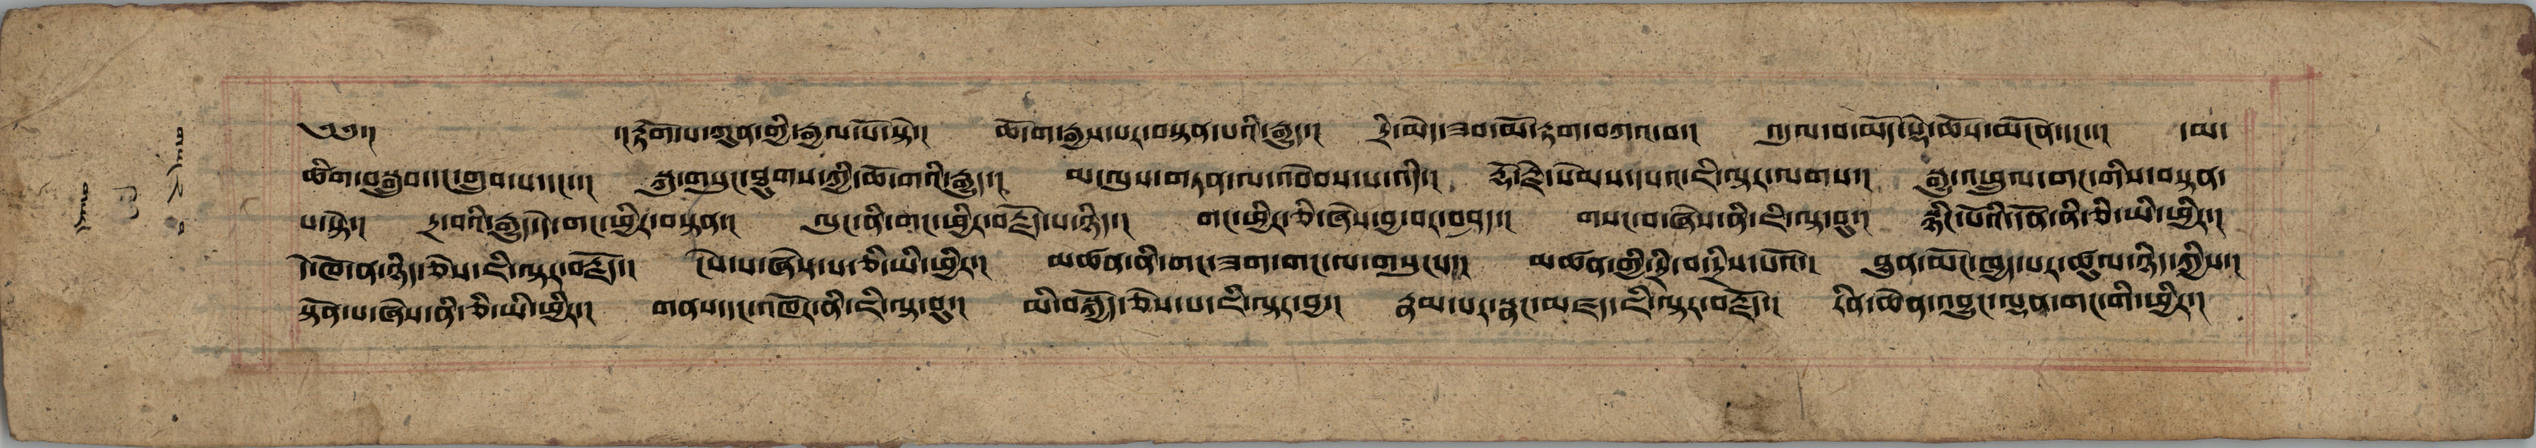༄༅་། ་།རྟོག་པ་ཀུན་གྱི་རྒྱལ་པོ་སྟེ་། ཆོ་ག་རྒྱས་པར་བསྟན་པའི་རྒྱུད་། དྲི་མེད་ཟབ་མོ་རྟག་བཀའ་བ་། འདུལ་བ་མདོ་སྡེ་ཆོས་མངོན་དང་་། དམ་
ཚིག་བསྒྲུབ་དང་གྲུབ་པ་དང་་། སྐུ་གསུང་ཐུགས་ཀྱི་ཆོ་གའི་རྒྱུད་། མ་ལུས་གཏན་ལ་འབེབས་པ་འདི་། རྡོ་རྗེ་སེམས་དཔའ་ཇི་ལྟར་ལགས་། སྒྱུ་འཕྲུལ་གང་གིས་བསྟན་
པ་སྟེ་། དྲ་བའི་རྒྱུད་དེ་གང་ཕྱིར་བསྟན་། ལུང་ནི་གང་ཕྱིར་བརྗོད་པ་ཉིད་། གང་ཕྱིར་ཅི་ཞེས་བྱ་བར་བཤད་། གསང་བ་ཞེས་ནི་ཇི་ལྟ་བུ་། སྙིང་པོའི་དོན་ནི་ཅི་ཡི་ཕྱིར་།
དེ་ཁོ་ན་ཉིད་ཅེས་ཇི་ལྟར་བརྗོད་། ངེས་པ་ཞེས་པ་ཅི་ཡི་ཕྱིར་། མཚན་ནི་གང་ཟག་གང་ལ་གསུངས་། མཚན་གྱི་དྲི་བ་དྲིས་པའོ་། ཐུན་མོང་ཁྱད་པར་ཚུལ་ཉིད་ཀྱིས་།
སྟོན་པ་ཞེས་ནི་ཅི་ཡི་ཕྱིར་། གནས་དང་འཁོར་ནི་ཇི་ལྟ་བུ་། མི་བསྐྱེད་ཅེས་པ་ཇི་ལྟར་བྱ་། རྣམ་པར་སྣང་མཛད་ཇི་ལྟར་བརྗོད་། རིན་ཆེན་འབྱུང་ལྡན་གང་གི་ཕྱིར་།